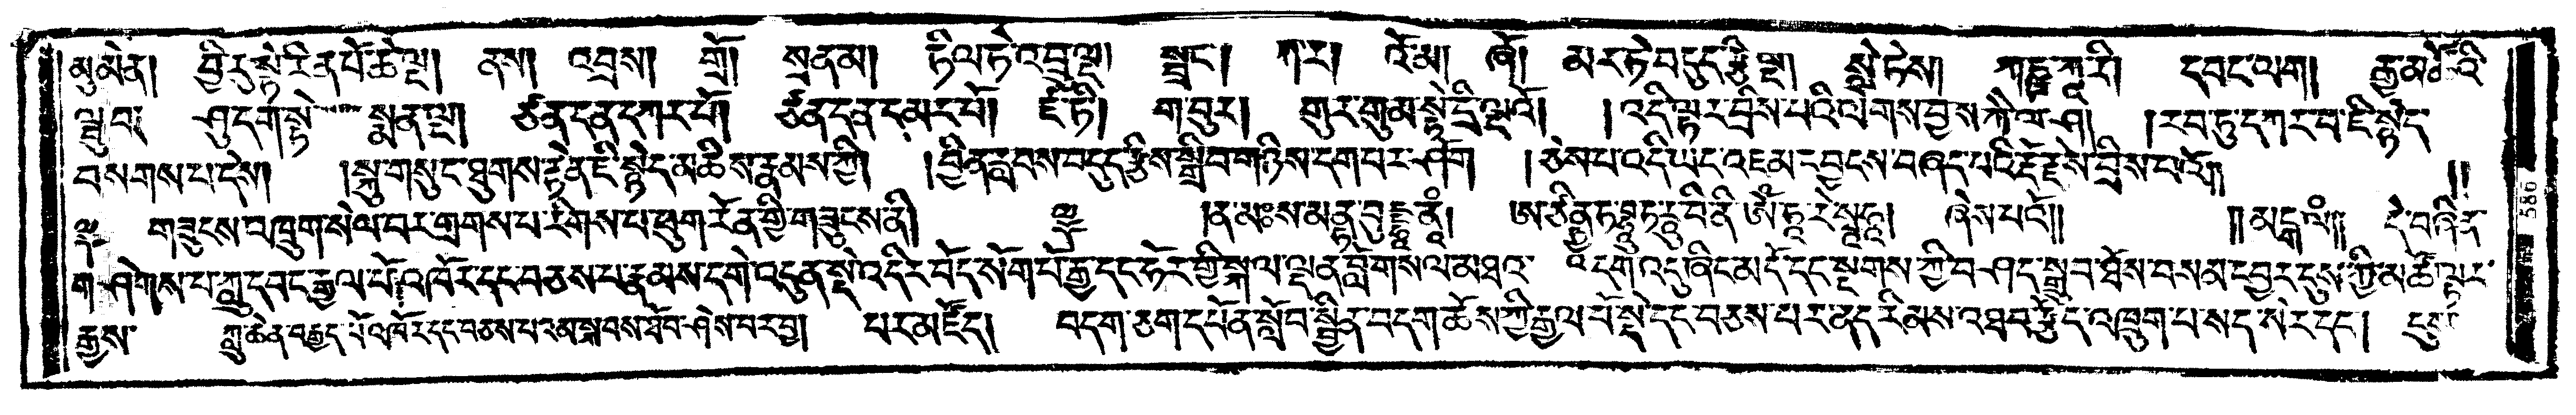མུ་མེན། བྱི་རུ་སྟེ་རིན་པོ་ཆེ་ལྔ། ནས། འབྲས། གྲོ། སྲན་མ། ཏིལ་ཏེ་འབྲུ་ལྔ། བྲང་། ཀ་ར། འོ་མ། ཞོ། མར་ཏེ་བདུད་རྩི་ལྔ། སླེ་ཏེས། ཀཎྜ་ཀཱ་རི། དབང་ལག། རྒྱ་མཚོའི་
ལྦུབ། ཤུ་དག་སྟེ་སྨན་ལྔ། ཙན་དན་དཀར་པོ། ཙན་དན་དམར་པོ། ཛ་ཏི། ག་བུར། གུར་གུམ་སྟེ་དྲི་ལྔའོ། །འདི་ལྟར་བྲིས་པའི་ལགས་བྱས་ཀཻ་ལ་ཤ། །རབ་ཏུ་དཀར་བ་ཇི་སྙེད་
བསགས་པ་དེས། །སྐུ་གསུང་ཐུགས་རྟེན་ཇི་སྙེད་མཆིས་རྣམས་ཀྱི། །བྱིན་རླབས་བདུད་རྩིས་སྒྲིབ་གཉིས་དག་བར་ཤོག། །ཅེས་པ་འདི་ཡང་འཇམ་དབྱངས་བཞད་པའི་རྡོ་རྗེས་བྲིས་པའོ།།
༈ གཟུངས་འཁྲུག་སེལ་བར་གྲགས་པ་རིགས་པ་ཕུག་རོན་གྱི་གཟུངས་ནི། ༈ །ན་མཿ ས་མནྷ་བུདྡྷཱ་ནཱཾ། ཨ་ཙིནྟྱཱ་ཏ་བྷཱུ་ཏ་རཱུ་བི་ནི་ཨོཾ་ཏཱ་ར་སྭཱཧཱ། ཞེས་པའོ།། །།མངྒལཾ། །དེ་བཞིན་
གཤེགས་པ་ཀླུ་དབང་རྒྱལ་པོ་འཁོར་དང་བཅས་པ་རྣམས་དགེ་འདུན་སྡེ་འདིར་བོད་སོག་པོ་རྒྱ་དང་ཧོར་གྱི་སྐལ་ལྡན་བློ་གསལ་མཐའ་དག་འདུ་ཞིང་མདོ་དང་སྔས་ཀྱི་བཤད་སྒྲུབ་ཐོས་བསམ་དབྱར་དུས་ཀྱི་མཚོ་ལྟར་
རྒྱས་ཀླུ་ཆེན་བརྒྱད་པོ་འཁོར་དང་བཅས་པའམ་སྐབས་ཐོབ་ཤེས་པར་བྱ། པར་མཛོད། བདག་ཅག་དཔོན་སློབ་སྦྱིན་བདག་ཆོས་ཀྱི་རྒྱལ་པོ་སྡེ་དང་བཅས་པར་ནད་རིམས་འཐབ་རྩོད་འཁྲུག་པ་སད་སེར་དང་། དུས་